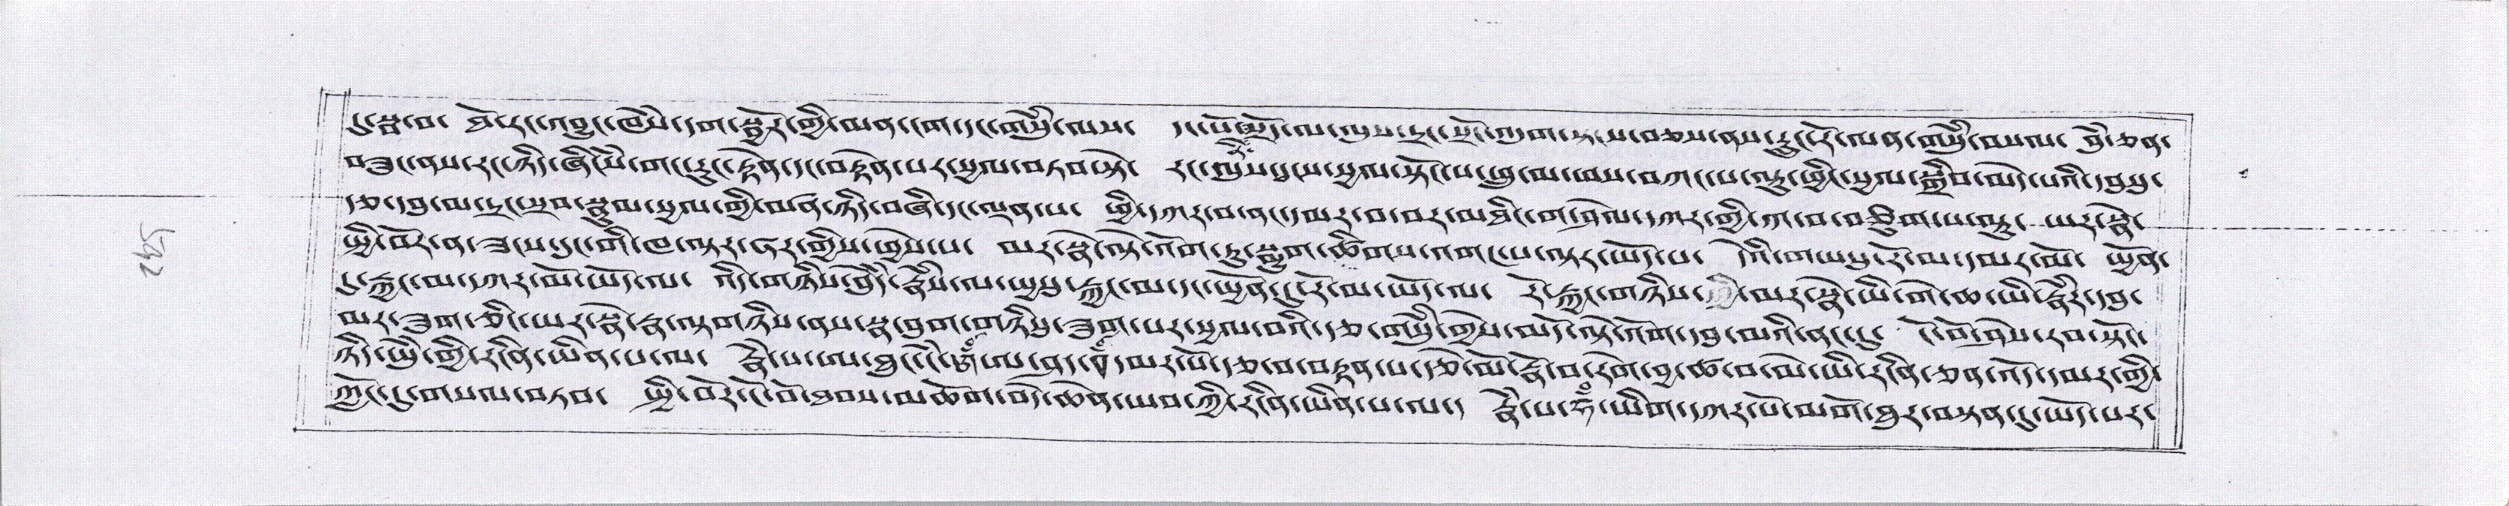དུ་སྦ་བ། ཐོ་རངས་འབྱུང་ཁམས་དག་སྦྱོར་གྱི་མན་ངག་དང་གསུམ་ལས། དང་པོ་ནི་སྲོད་ལ་ལུས་དྲང་སྲོང་འདུག་སྟངས་བཅས་ནས་རླུང་རོ་ལན་གསུམ་མམ། བུམ་ཅན་
བཟུང་ནས་རང་ཉིད་ཞིང་ཁམས་གང་རུང་རྟེན་དང་བརྟེན་པར་གསལ་བཏབ་སྟེ། རང་ལུས་དྭངས་གསལ་སྟོང་པ་ཕྲུ་མ་ཕུས་བཀང་བ་ལྟ་བུ་ཕྱི་ནང་གསལ་སྒྲིབ་མེད་པའི་དབུས་སུ་
རྩ་དབུ་མ་དྲང་སྲབ་སྣུམ་གསལ་གྱི་མཚན་ཉིད་བཞི་དང་ལྡན་པ། ཕྱི་དཀར་བ་ནང་དམར་བ་བར་མཐིང་ཀ་ཤེལ་དཀར་གྱི་ཀ་བ་བཙུག་པ་ལྟ་བུ། ཡར་སྣེ་
སྤྱི་བོར་ན་ཟངས་དུང་གི་ཁ་ལྟར་ཧར་གྱིས་ཕྱེས་པ། མར་སྣེ་ལྟེ་འོག་ཏུ་སྨྱུག་ཚིགས་འགག་པ་ལྟར་ཡོད་པ། དེའི་གཡས་སུ་རོ་མ་དམར་མོ། གཡོན་
དུ་རྐྱང་མ་དཀར་པོ་ཡོད་ལ། འདི་གཉིས་བུད་མེད་རྣམས་ལ་གཡས་སུ་རྐྱང་མ་དང་གཡོན་དུ་རོ་མ་ཡོད་ལ། རོ་རྐྱང་གཉིས་ཀྱི་མར་སྣེ་ཡི་གེ་ཆ་ཡི་རྣམ་པར་དབུ་
མར་ཟུག་ཅིང་ཡར་སྣེ་རྣ་ལྟག་གཉིས་ནས་སྣ་བུག་གཉིས་སུ་ཟུག་པར་གསལ་བའི་རྩ་གསུམ་གྱེས་མདོ་ལྟེ་འོག་དབུ་མའི་ནང་དུ། ངོ་བོ་ཤེས་རབ་སྟོང་
ཉིད་ཡུམ་གྱི་རང་བཞིན་ཡིན་པ་ལ། རྣམ་པ་ཨ་ཐུང་ངམ་༼༽ཨ་ཤད་༼༽བཾ་དམར་པོ་རྩ་བ་བརྟན་པ་རྩེ་མོ་རྣོ་བ་རེག་བྱ་ཚ་བ་མེ་ཡི་རང་བཞིན་ཅན་འོད་དམར་གྱི་
ཀློང་དུ་གསལ་བཏབ། སྤྱི་བོར་ངོ་བོ་ཐབས་མཆོག་བདེ་ཆེན་ཡབ་ཀྱི་རང་བཞིན་ཡིན་པ་ལ། རྣམ་པར་ཧཾ་ཡིག་དཀར་པོ་མགོ་ཐུར་བསྟན་དུ་ཡོད་པར་